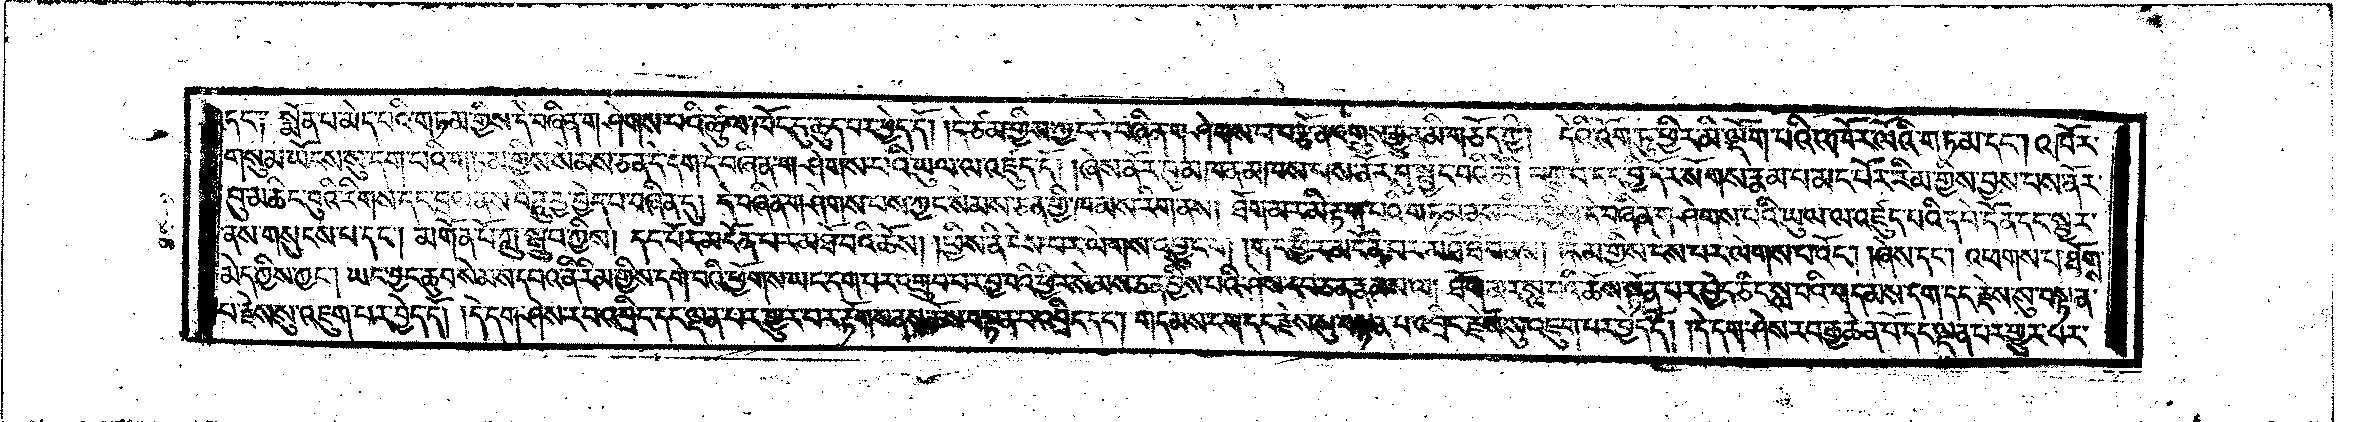དང༑ སྨོན་པ་མེད་པའི་གཏམ་གྱིས་དེ་བཞིན་གཤེགས་པའི་ཚུལ་ཁོང་དུ་ཆུད་པར་ཕྱེད་དོ། །དེ་ཙམ་གྱིས་ཀྱང་དེ་བཞིན་གཤེགས་པ་བརྩོན་འགྲུས་རྒྱུན་མི་གཅོད་ཀྱི། དེའི་འོག་ཏུ་ཕྱིར་མི་ལྡོག་པའི་འཁོར་ལོའི་གཏམ་དང་། འཁོར་
གསུམ་ཡོངས་སུ་དག་པའི་གཏམ་གྱིས་སེམས་ཅན་དེ་དག་དེ་བཞིན་གཤེགས་པའི་ཡུལ་ལ་འཛུད་དོ། །ཞེས་ནོར་བུ་མཁན་མཁས་པས་ནོར་བུ་སྦྱོང་བའི་ཆོ། བཀྲུབ་དང་བྱི་དོར་སོགས་རྣམ་བ་མང་པོར་རིམ་གྱིས་བྱས་པས་ནོར་
བུ་མཆིང་བུའི་རིགས་དང་བྲལ་ནས་བཻཌཱུརྱ་བྱེད་པ་བཞིན་དུ། དེ་བཞིན་གཤེགས་པས་ཀྱང་སེམས་ཅན་གྱི་ཁམས་རིག་ནས། ཐོག་མར་མི་རྟག་པའི་གཏམ་ནས་རིམ་གྱིས་དེ་བཞིན་གཤེགས་པའི་ཡུལ་ལ་འཛུད་པའི་དབེ་དོན་དང་སྦྱར་
ནས་གསུངས་པ་དང་། མགོན་པོ་ཀླུ་སྒྲུབ་ཀྱིས། དང་པོར་མངོན་པར་མཐོ་བའི་ཆོས། །ཕྱིས་ནི་ངེས་པར་ལེགས་འབྱུང་བ། །གང་ཕྱིར་མངོན་བར་མཐོ་ཐོབ་ནས། །རིམ་གྱིས་ངེས་པར་ལེགས་པ་འོང་། །ཞེས་དང་། འཕགས་པ་ཐོགས་
མེད་ཀྱིས་ཀྱང་། ཡང་བྱང་ཆུབ་སེམས་དབའ་ནི་རིམ་གྱིས་དགེ་བའི་ཕྱོགས་ཡང་དག་པར་འགྲུབ་པར་བྱ་བའི་ཕྱིར་སེམས་ཅན་བྱིས་པའི་ཤེས་རབ་ཅན་རྣམས་ལ། ཐོག་མར་སླ་བའི་ཆོས་སྟོན་པར་བྱེད་ཅིང་སླ་བའི་གདམས་དག་དང་རྗེས་སུ་བསྟན་
པ་རྗེས་སུ་འཇུག་པར་བྱེད་དོ། །དེ་དག་ཤེས་རབ་འབྲིང་དང་ལྡན་པར་གྱུར་པར་རྟོགས་ནས་ཆོས་བསྟན་བ་འབྲིང་དང་། གདམས་ངག་དང་རྗེས་སུ་བསྟན་པ་འབྲིང་རྗེས་སུ་འཇུག་པར་བྱེད་དོ། །དེ་དག་ཤེས་རབ་རྒྱ་ཆེན་བོ་དང་ལྡན་པར་གྱུར་པར་